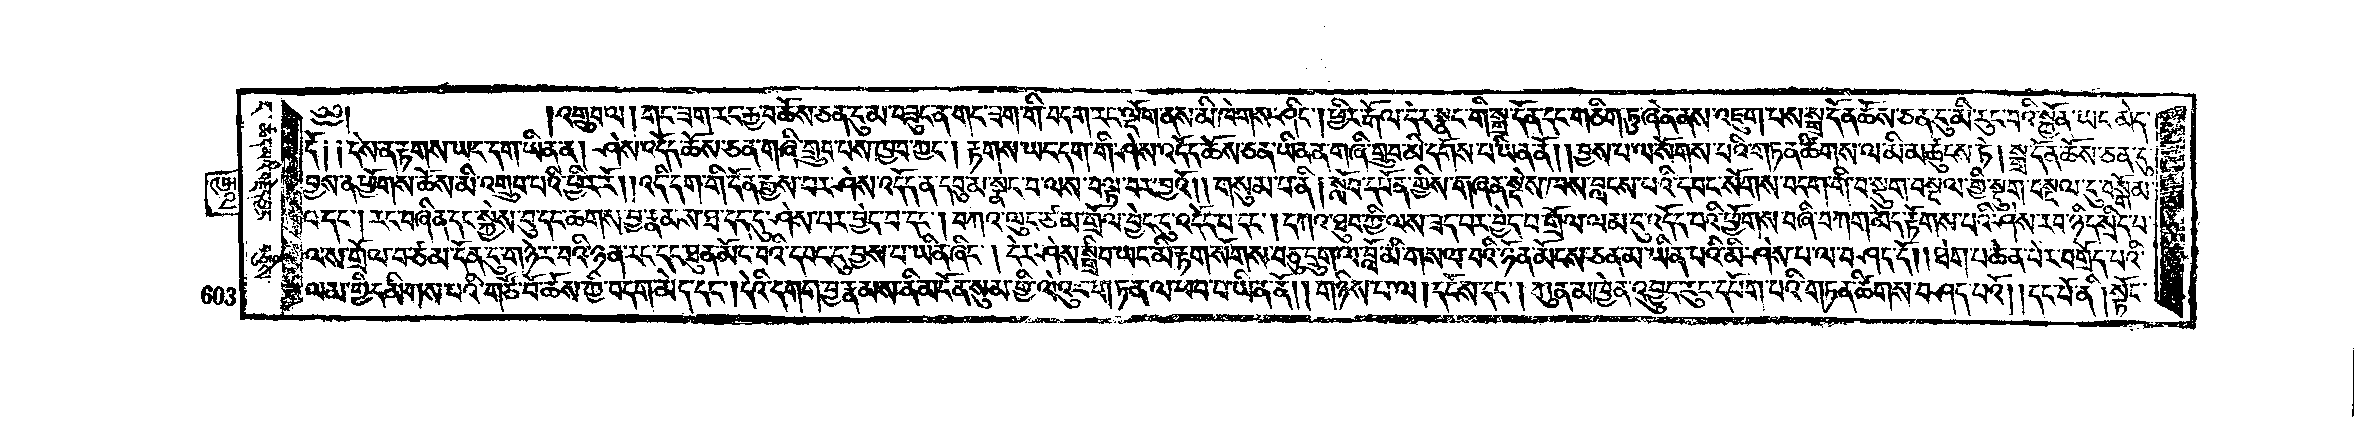༄༅། །འགྲུབ་ལ། གང་ཟག་རང་རྐྱ་བ་ཆོས་ཅན་དུ་མ་བཟུང་ན་གང་ཟག་གི་བདག་རང་ལྡོག་ནས་མི་ཁེགས་ཤིང་། ཕྱིར་རྒོལ་དེར་སྣང་གི་སྲ་དོན་དང་གཅིག་ཏུ་ཞེན་ནས་འཇུག་པས་སྒྲ་དོན་ཆོས་ཅན་དུ་མི་རུང་བའི་སྐྱོན་ཡང་མེད་
དོ༑ ༑དེས་ན་རྟགས་ཡང་དག་ཡིན་ན། ཤེས་འདོད་ཆོས་ཅན་གཞི་གྲུབ་པས་ཁྱབ་ཀྱང་། རྟགས་ཡང་དག་གི་ཤེས་འདོད་ཆོས་ཅན་ཡིན་ན་གཞི་གྲུབ་མི་དགོས་པ་ཡིན་ནོ། །བྱས་པ་ལ་སོགས་པའི་གཏན་ཚིགས་ལ་མི་མཚུངས་ཏེ། སྒྲ་དོན་ཆོས་ཅན་དུ་
བྱས་ན་ཕྱོགས་ཆོས་མི་འགྲུབ་པའི་ཕྱིར་རོ། །འདི་དག་གི་དོན་རྒྱས་པར་ཤེས་འདོད་ན་དབུ་མ་སྣང་བ་ལས་བལྟ་བར་བྱའོ། །གསུམ་པ་ནི། སློབ་དཔོན་གྱིས་གཞན་སྡེས་ཁས་བླངས་པའི་དབང་སོགས་བདག་གི་བསྡུག་བསྔལ་གྱི་སྡུག་བསྔལ་དུ་བསྒོམ་
པ་དང་། རང་བཞིན་དང་སྐྱེས་བུ་དང་ཆགས་བྱ་རྣམས་ཐ་དད་དུ་ཤེས་པར་བྱེད་པ་དང་། བཀའ་ལུང་ཙམ་གྲོལ་བྱེད་དུ་འདོད་པ་དང་། དཀའ་ཐུབ་ཀྱི་ལས་ཟད་པར་བྱེད་པ་གྲོལ་ལམ་དུ་འདོད་པའི་ཕྱོགས་བཞི་བཀག་མེད་རྟོགས་པའི་ཤེས་རབ་ཉིད་སྲིད་པ་
ལས་གྲོལ་བ་ཙམ་དོན་དུ་གཉེར་བའི་ཉན་རང་དང་ཐུན་མོང་བའི་དབང་དུ་བྱས་པ་ཡིན་ཞིང་། དེར་ཤེས་སྒྲིབ་ཡང་མི་རྟག་སོགས་བཅུ་དྲུག་ལ་བློ་མི་གསལ་བའི་ཉོན་མོངས་ཅན་མ་ཡིན་པའི་མི་ཤེས་པ་ལ་བཤད་དོ། །ཐེག་པ་ཆེན་པོར་བགྲོད་པའི་
ལམ་གྱི་དམིགས་པའི་གཙོ་བོ་ཆོས་ཀྱི་བདག་མེད་དང་། དེའི་དགག་བྱ་རྣམས་ནི་མངོན་སུམ་གྱི་ལེའུ་རེ?་དེའི་གཏན་ལ་ཕབ་པ་ཡིན་ནོ། །གཉིས་པ་ལ་དངོས་དང་། ཀུན་མཁྱེན་འབྱུང་རུང་དཔོག་པའི་གཏན་ཚིགས་བཤད་པའོ། །དང་པོ་ནི། སྟོང་